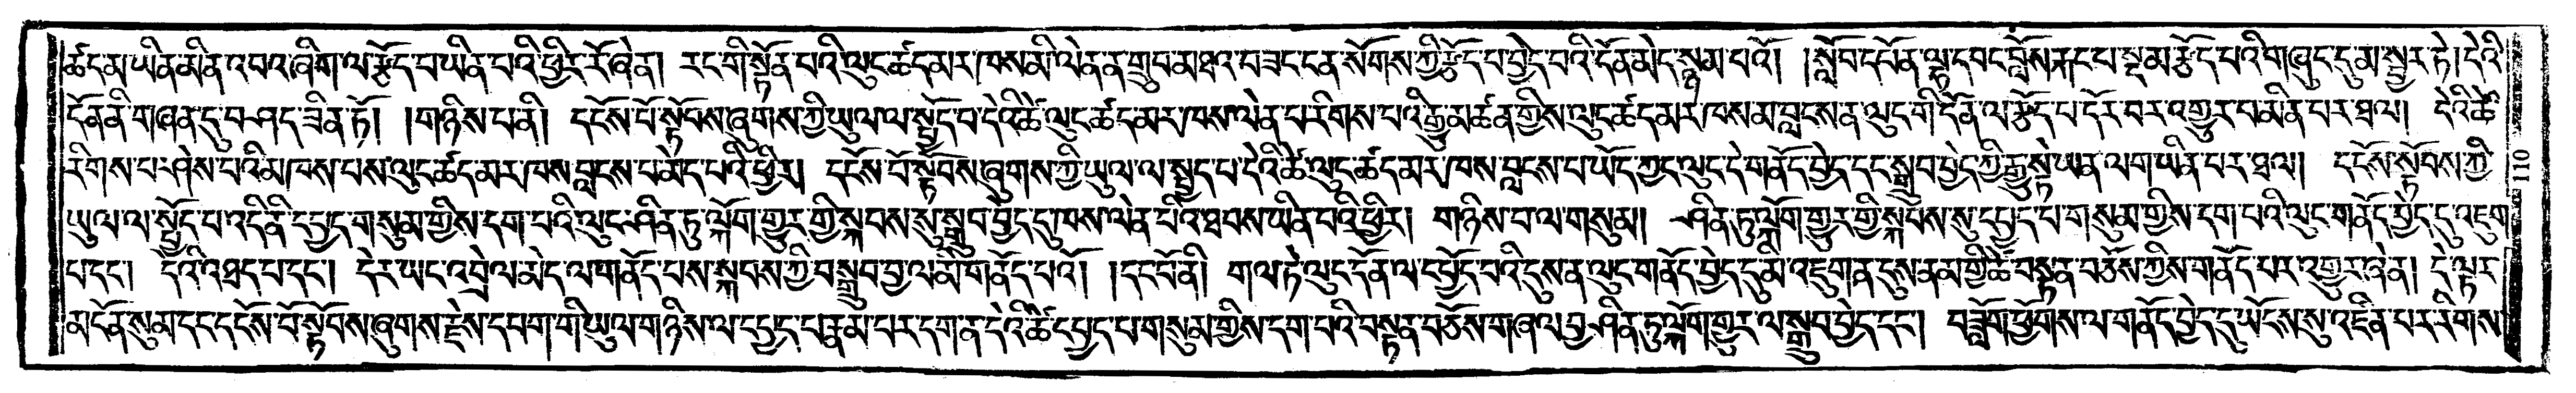ཚད་མ་ཡིན་མིན་འབའ་ཞིག་ལ་རྩོད་པ་ཡིན་པའི་ཕྱིར་རོ་ཞེ་ན། རང་གི་སྟོན་པའི་ལུང་ཚད་མར་ཁས་མི་ལེན་ན་གྲུབ་མཐའ་བཟང་ངན་སོགས་ཀྱི་རྩོད་པ་བྱེད་པའི་དོན་མེད་སྙམ་པའོ། །སློབ་དཔོན་ལྷ་དབང་བློས་རྐང་པ་སྔ་མ་རྩོད་པའི་གཞུང་དུ་མ་སྦྱར་ཏེ། དེའི་
དོན་ནི་གཞན་དུ་བཤད་ཟིན་ཏོ། །གཉིས་པ་ནི། དངོས་པོ་སྟོབས་ཞུགས་ཀྱི་ཡུལ་ལ་སྤྱོད་པ་དེའི་ཚེ་ལུང་ཚད་མར་ཁས་ལེན་པ་རིགས་པའི་རྒྱུ་མཚན་གྱིས་ལུང་ཚད་མར་ཁས་མ་བླངས་ན་ལུང་གི་དོན་ལ་རྩོད་པ་དོར་བར་འགྱུར་བ་མིན་པར་ཐལ། དེའི་ཚེ་
རིགས་པ་ཤེས་པའི་མཁས་པས་ལུང་ཚད་མར་ཁས་བླངས་པ་མེད་པའི་ཕྱིར། དངོས་པོ་སྟོབས་ཞུགས་ཀྱི་ཡུལ་ལ་སྤྱད་པ་དེའི་ཚེ་ལུང་ཚད་མར་ཁས་བླངས་པ་ཡོད་ཀྱང་ལུང་དེ་གནོད་བྱེད་དང་སྒྲུབ་བྱེད་ཀྱི་རྒྱུ་སྟེ་ཡན་ལག་ཡིན་པར་ཐལ། དངོས་སྟོབས་ཀྱི་
ཡུལ་ལ་སྤྱོད་པ་འདི་ནི་དཔྱད་གསུམ་གྱིས་དག་པའི་ལུང་ཤིན་ཏུ་ལྐོག་གྱུར་གྱི་སྐབས་སུ་སྒྲུབ་བྱེད་དུ་ཁས་ལེན་པའི་ཐབས་ཡིན་པའི་ཕྱིར། གཉིས་པ་ལ་གསུམ། ཤིན་ཏུ་ལྐོག་གྱུར་གྱི་སྐབས་སུ་དཔྱད་པ་གསུམ་གྱིས་དག་པའི་ལུང་གནོད་བྱེད་དུ་འཇུག་
པ་དང་། དེའི་འཐད་པ་དང་། དེར་ཡང་འབྲེལ་མེད་ལ་གནོད་པས་སྐབས་ཀྱི་བསྒྲུབ་བྱ་ལ་མི་གནོད་པའོ། །དང་པོ་ནི། གལ་ཏེ་ལུང་དོན་ལ་དཔྱོད་པའི་དུས་ན་ལུང་གནོད་བྱེད་དུ་མི་འཇུག་ན་དུས་ནམ་གྱི་ཚེ་བསྟན་བཅོས་ཀྱིས་གནོད་པར་འགྱུར་ཞེ་ན། དེ་ལྟར་
མངོན་སུམ་དང་དངོས་པོ་སྟོབས་ཞུགས་རྗེས་དཔག་གི་ཡུལ་གཉིས་ལ་དཔྱད་པ་རྣམ་པར་དག་ན་དེའི་ཚེ་དཔྱད་པ་གསུམ་གྱིས་དག་པའི་བསྟན་བཅོས་གཞལ་བྱ་ཤིན་ཏུ་ལྐོག་གྱུར་ལ་སྒྲུབ་བྱེད་དང་། བཟློག་ཕྱོགས་ལ་གནོད་བྱེད་དུ་ཡོངས་སུ་འཛིན་པར་རིགས་